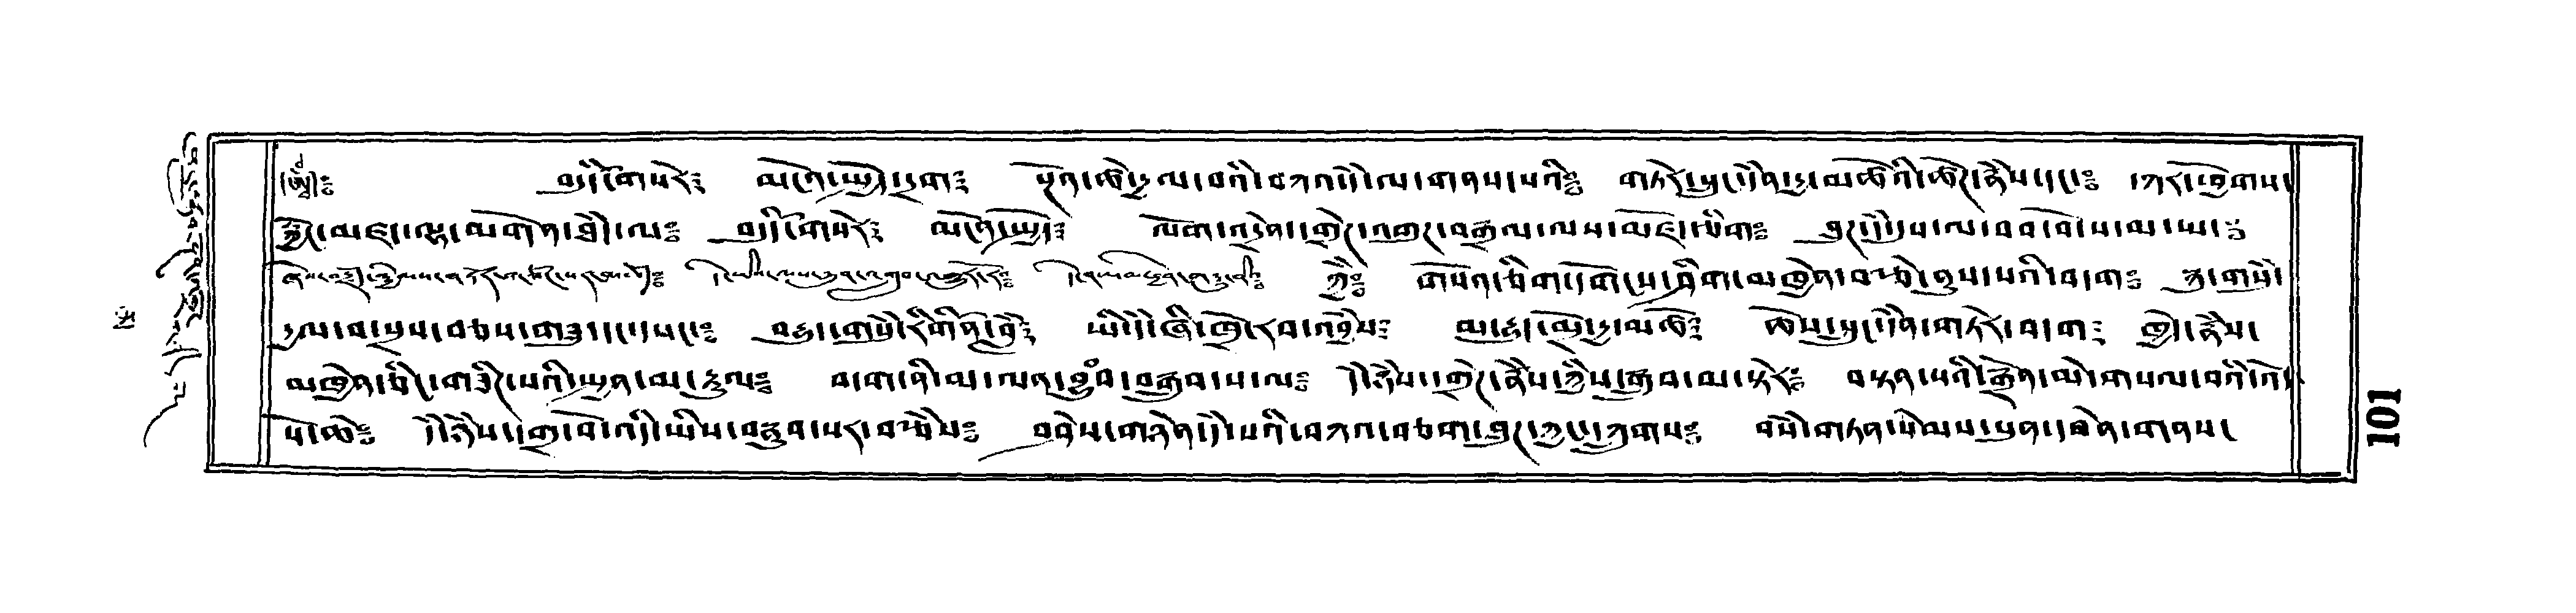བདུད་རྩི༴ མངོན་སྤྱོད༴ སྔོན་ཚེ་རྒྱལ་བའི་བཀའ་དམ་ལ་གནས་པའི༔ གཏེར་སྲུང་དམ་ཅན་རྒྱ་མཚོའི་ཚོགས་རྣམས་དང༔ དཀར་ཕྱོགས་
སྐྱོང་མཛད་ལྷ་མགོན་ཐམས་ཅད་ལ༔ བདུད་རྩི༴ མངོན་སྤྱོད༴ ལོག་འདྲེན་དགྲ་བགེགས་འགུགས་བསྒྲལ་ལས་མཛོད་ཅིག༔ ཐུགས་དམ་དུས་ལ་བབ་བོ་ས་མ་ཡ༔ 
ཞེས་བརྗོད་སྐྱེམས་གཏོར་གཙང་སར་མཆོད༔ དེ་ཡིས་ལས་ཀུན་འགྲུབ་འགྱུར་རོ༔ དེ་ནས་མཁྱེན་གཟུ་ནི༔ ཀྱཻ༔ གསོན་ཅིག་དགོངས་ཤིག་མཁྱེན་བརྩེ་ནུས་པའི་བདག༔ སྐུ་གསུམ་
རྒྱལ་བ་སྲས་བཅས་གཟུ་དང་དཔང༔ བརྒྱུད་གསུམ་རིག་འཛིན་བླ་མ༴ ཡི་དམ་ཞི་ཁྲོ་རབ་འབྱམས༴ མ་རྒྱུད་མཁའ་འགྲོ་རྒྱ་མཚོ༴ ཆོས་སྲུང་དམ་ཅན་གཏེར་བདག༴ ཁྱེད་རྣམས་
མཁྱེན་ཅིང་གཟིགས་པའི་སྤྱན་མ་རྟུལ༔ བདག་ནི་མ་ལན་བྱང་ཆུབ་བསྒྲུབ་པ་ལ༔ དམ་ཉམས་དགྲ་བགེགས་རྣམས་ཀྱིས་སྒྲུབ་མ་སྟེར༔ བསྟན་པའི་སྒྲོན་མེ་གསལ་བའི་འོད་
པོ་ཆེ༔དམ་ཉམས་དགྲ་བོ་འདི་ཡིས་བསྣུབ་པར་བརྩམས༔ བཤེས་གཉེན་དམ་པའི་བཀའ་བཅག་ཐུགས་ཀྱང་དཀྲུགས༔ བསམ་གཏན་སེམས་སུན་དབེན་གནས་